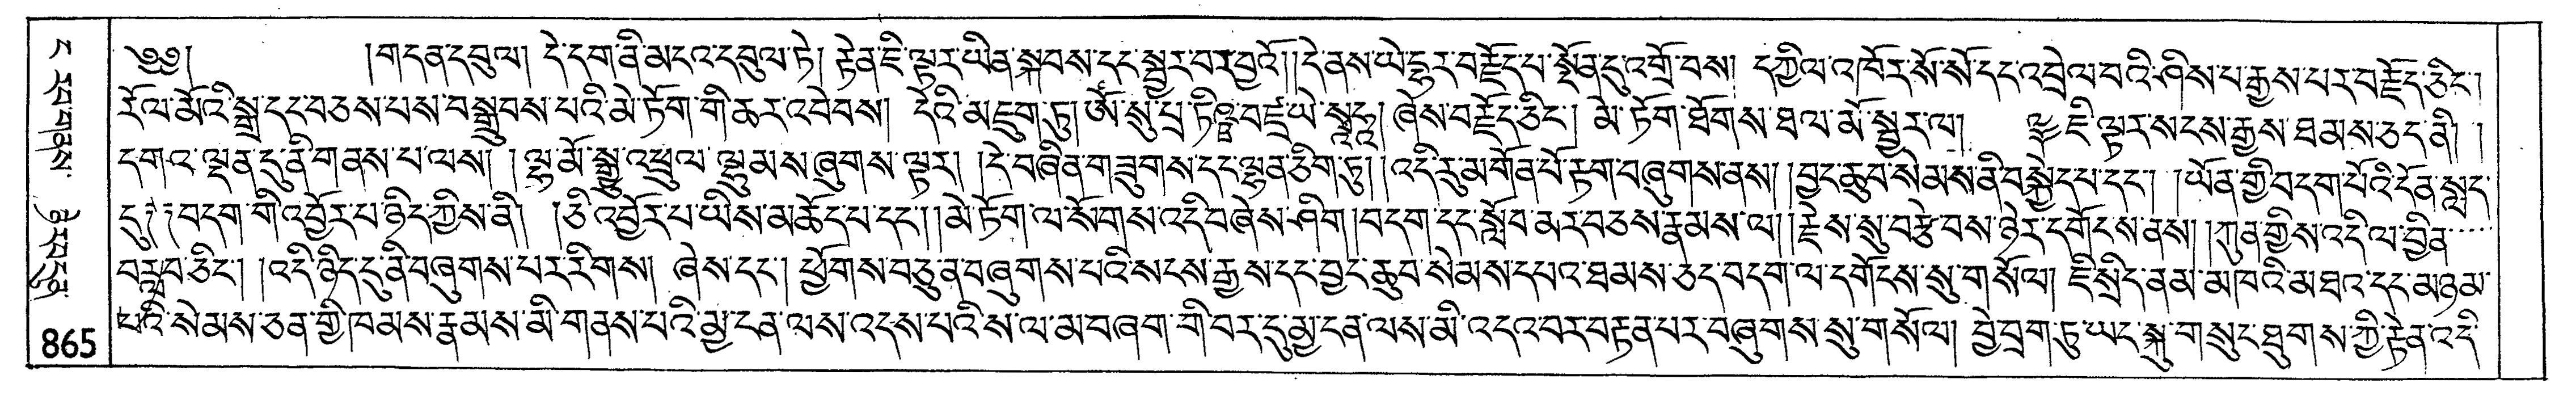༄༅། །གདན་དབུལ། དེ་དག་ནི་མངའ་དབུལ་ཏེ། རྟེན་ཇི་ལྟར་ཡིན་སྐབས་དང་སྦྱར་བར་བྱའོ། །དེ་ནས་ཡེ་དྷར་བརྗོད་པ་སྔོན་དུ་འགྲོ་བས། དཀྱིལ་འཁོར་སོ་སོ་དང་འབྲེལ་བའི་ཤིས་པ་རྒྱས་པར་བརྗོད་ཅིང་།
རོལ་མོའི་སྒྲ་དང་བཅས་པས་བསྒྲུབས་པའི་མེ་ཏོག་གི་ཆར་འབེབས། དེའི་མཇུག་ཏུ། ཨོཾ་སུ་པྲ་ཏིཥཊཿཨ་བཛྲ་ཡེ་སྭཱཧཱ། ཞེས་བརྗོད་ཅིང་། མེ་ཏོག་ཐོགས་ཐལ་མོ་སྦྱར་ལ། ༈ ཇི་ལྟར་སངས་རྒྱས་ཐམས་ཅད་ནི། །
དགའ་ལྡན་དུ་ནི་གནས་པ་ལས། །ལྷ་མོ་སྒྱུ་འཕྲུལ་ལྷུམས་ཞུགས་ལྟར། །དེ་བཞིན་གཟུགས་དང་ལྷན་ཅིག་ཏུ། །འདི་རུ་མགོན་པོ་རྟག་བཞུགས་ནས། །བྱང་ཆུབ་སེམས་ནི་བསྐྱེད་པ་དང་། །ཡོན་གྱི་བདག་པོའི་དོན་སླད་
དུ༑ ༑བདག་གི་འབྱོར་བ་ཉིད་ཀྱིས་ནི། །ཅི་འབྱོར་པ་ཡིས་མཆོད་པ་དང་། །མེ་ཏོག་ལ་སོགས་འདི་བཞེས་ཤིག །བདག་དང་སློབ་མར་བཅས་རྣམས་ལ། །རྗེས་སུ་བརྩེ་བས་ཉེར་དགོངས་ནས། །ཀུན་གྱིས་འདི་ལ་བྱིན་
བརླབ་ཅིང་། །འདི་ཉིད་དུ་ནི་བཞུགས་པར་རིགས། ཞེས་དང་། ཕྱོགས་བཅུ་ན་བཞུགས་པའི་སངས་རྒྱས་དང་བྱང་ཆུབ་སེམས་དཔའ་ཐམས་ཅད་བདག་ལ་དགོངས་སུ་གསོལ། ཇི་སྲིད་ནམ་མཁའི་མཐའ་དང་མཉམ་
པའི་སེམས་ཅན་གྱི་ཁམས་རྣམས་མི་གནས་པའི་མྱ་ངན་ལས་འདས་པའི་ས་ལ་མ་བཞག་གི་བར་དུ་མྱ་ངན་ལས་མི་འདའ་བར་བརྟན་པར་བཞུགས་སུ་གསོལ། བྱེ་བྲག་ཏུ་ཡང་སྐུ་གསུང་ཐུགས་ཀྱི་རྟེན་འདི་